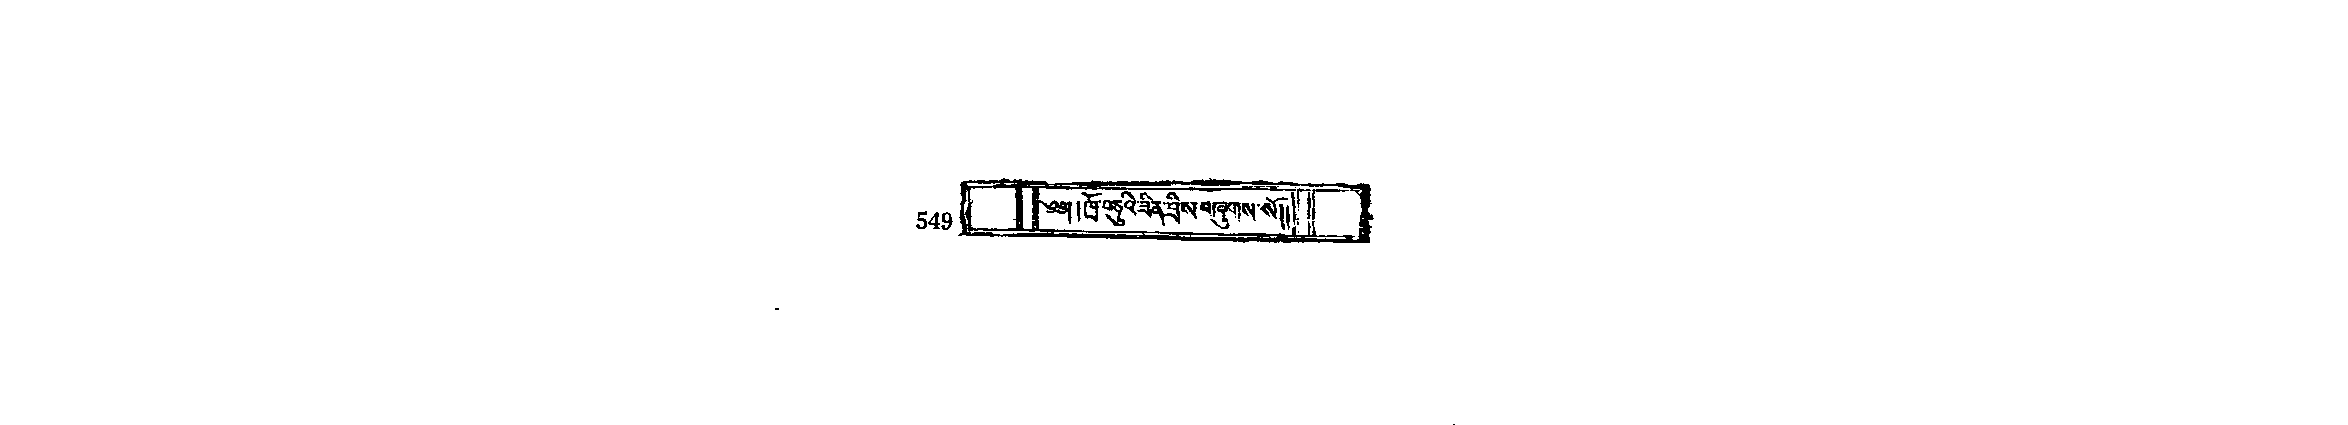༄༅། །ཁྲོ་བཅུའི་ཟིན་བྲིས་བཞུགས་སོ།།